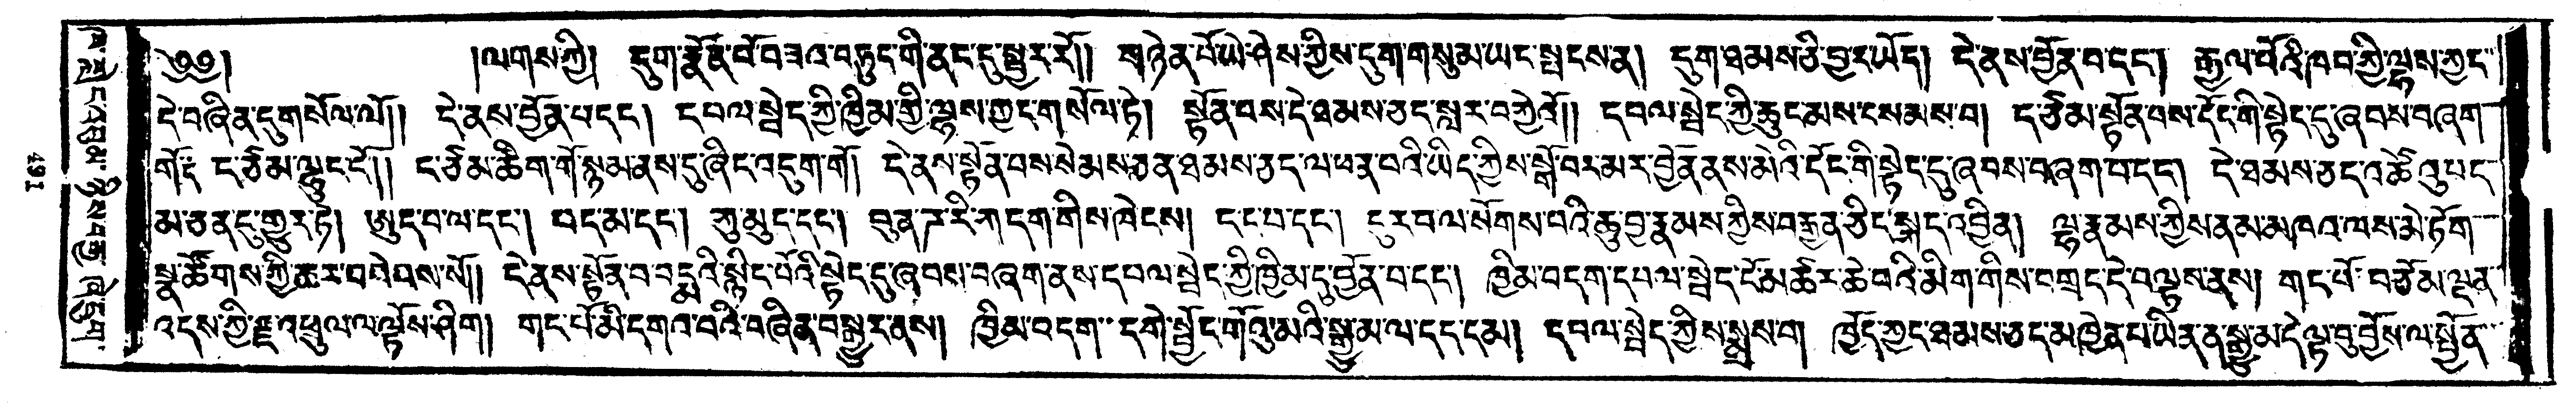༄༅། །ལགས་ཀྱི། དུག་རྣོན་བོ་བཟའ་བཏུང་གི་ནང་དུ་སྦྱར་རོ།། གཉེན་པོ་ཡེ་ཤེས་ཀྱིས་དུག་གསུམ་ཡང་སྤངས་ན། དུག་ཐམས་ཅི་བྱར་ཡོད། དེ་ནས་བྱོན་བ་དང་། རྒྱལ་བོའི་ཁབ་ཀྱི་ལྷས་ཀྱང་
དེ་བཞིན་དུ་གསོལ་ལོ།། དེ་ནས་བྱོན་པ་དང་། དཔལ་སྦེད་ཀྱི་ཁྱིམ་གྱི་ལྷས་ཀྱང་གསོལ་ཏེ། སྟོན་བས་དེ་ཐམས་ཅད་སླར་བཀྱེའོ།། དབལ་སྦེད་ཀྱི་ཆུང་མས་བསམས་བ། ད་ཙམ་སྟོན་བས་དོང་གི་སྟེད་དུ་ཞབས་བཞག་
གོ༑ ད་ཙམ་ལྷུང་ངོ།། ང་ཙམ་ཚིག་གོ་སྙམ་ནས་དུ་ཞིང་འདུག་གོ། དེ་ནས་སྟོན་བས་སེམས་ཅན་ཐམས་ཅད་ལ་ཕན་པའི་ཡིད་ཀྱིས་སྒོ་བར་མར་བྱོན་ནས་མེའི་དོང་གི་སྟེང་དུ་ཞབས་བཞག་པ་དང་། དེ་ཐམས་ཅད་འཚེའུ་པད་
མ་ཅན་དུ་གྱུར་ཏེ། ཨུད་བ་ལ་དང་། པད་མ་དང་། ཀུ་མུད་དང་། བུན་ཌ་རི་ཀ་དག་གིས་ཁེངས། ང་ད་པ་དང་། དུར་བ་ལ་སོགས་པའི་ཆུ་བྱ་རྣམས་ཀྱིས་བརྒྱན་ཅིང་སྐད་འབྱིན། ལྷ་རྣམས་ཀྱིས་ནམ་མཁའ་ལས་མེ་ཏོག་
སྣ་ཚོགས་ཀྱི་ཆར་བ་བེབས་སོ།། དེ་ནས་སྟོན་བ་པདམའི་སྙིང་པོའི་སྟེང་དུ་ཞབས་བཞག་ནས་དཔལ་སྦེད་ཀྱི་ཁྱིམ་དུ་བྱོན་པ་དང་། ཁྱིམ་བདག་དཔལ་སྦེད་ངོ་མཚར་ཆེ་བའི་མིག་གིས་བགྲད་དེ་བལྟས་ནས། གང་པོ་བཅོམ་ལྡན་
འདས་ཀྱི་རྫ་འཕྲུལ་ལ་ལྟོས་ཤིག། གང་པོ་མི་དགའ་བའི་བཞིན་བསྒྱུར་ནས། ཁྱིམ་བདག་དགེ་སྦྱོང་གོའུ་མའི་སྒྱུ་མ་ལ་དད་དམ། དཔལ་སྦེད་ཀྱིས་སྨྲས་བ། ཁྱོད་ཀྱང་ཐམས་ཅད་མཁྱེན་པ་ཡིན་ན་སྒྱུ་མ་དེ་ལྟ་བུ་བྱོས་ལ་སྤྱོན་